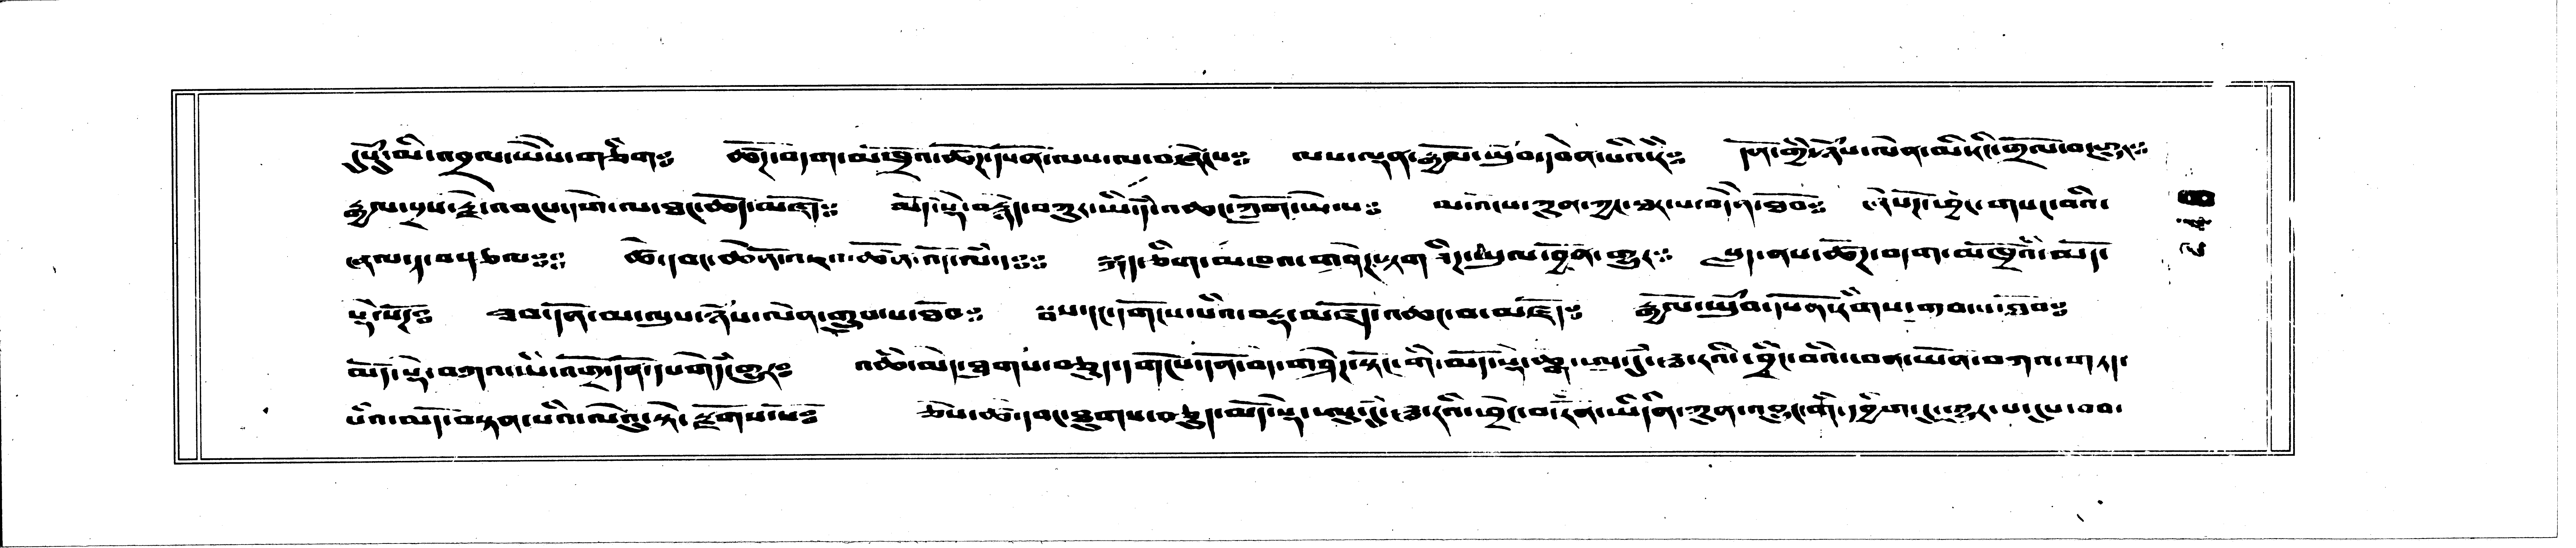དུས་གསུམ་མི་འབྲལ་ཡེ་ཤེས་གཅིགཿ ཚོགས་བདག་མཁའ་འགྲོ་ཚོགས་དཔོན་ལས་ལ་བཞེངསཿ ལས་ལྡན་རྒྱལ་པོ་ཡབ་ཡུམ་དབེན་པའི་རིཿ དོན་གྱི་ཉམས་ལེན་མི་རིང་གྲོལ་བར་འགྱུརཿ 
རྒྱལ་སྲས་རྗེ་འབངས་དགེ་ལ་ཐང་ཆོད་མཛོདཿ མདོ་སྡེ་རྙེད་བཀུར་ཡིད་ཡིད་དམ་འཆང་ཀློག་སྤེལཿ མ་འོངས་ཀུན་ཀྱང་ཐར་པ་བདེ་ཆེན་ཐོབཿ ཞེས་སོགས་ཕྱི་ནང་གསང་བའི་
ཞལ་ད་བསྩལཿ ཚེ་དབང་ཆེན་པོ་འཇའ་ཚོན་འོད་ལམ་དུཿ སྐད་ཅིག་མཁའ་གཤེགས་རྟག་གཟིགས་ཡུལ་བྱོན་གྱུརཿ སླད་ནས་ཚོགས་བདག་མཁའ་འགྲོའི་མདོ་
སྡེ་སོགསཿ ཟབ་དོན་མ་ལུས་ཉམས་ལེན་གྲུབ་པ་ཐོབཿ སྦས་དང་དགོངས་པའི་བརྡ་མཛོད་འཆང་བ་མཛོདཿ རྒྱལ་པོ་ཡབ་ཡུམ་དཔོན་རིགས་གྲུབ་པ་ཐོབཿ 
མདོ་སྡེ་བཀའ་ཡི་འགྲོ་དོན་དཔག་མེད་གྱུརཿ འཆི་མེད་ཐུགས་བཅུད་དགོངས་དོན་བདེར་གཤེགས་སྟོང་གི་མདོ་སྡེ་ཆོ་ག་ཨུ་དུམ་ཝ་རའི་ཕྲེང་བའི་ཕན་ཡོན་བཀའ་གཏད་
པའི་མདོ་བསྟན་པའི་ལེའུ་སྟེ་རྫོགས་སོཿ ཅེས་ཚེ་དབང་ཐུགས་བཅུད་མདོ་སྡེ་ཨུ་དུམ་ཝ་རའི་ཕྲེང་བ་རིན་པོ་ཆེ་ཡིད་བཞིན་ཀུན་འབྱུང་གི་དབྱིག་ཏུ་གྱུར་པ་དུས་བབ་